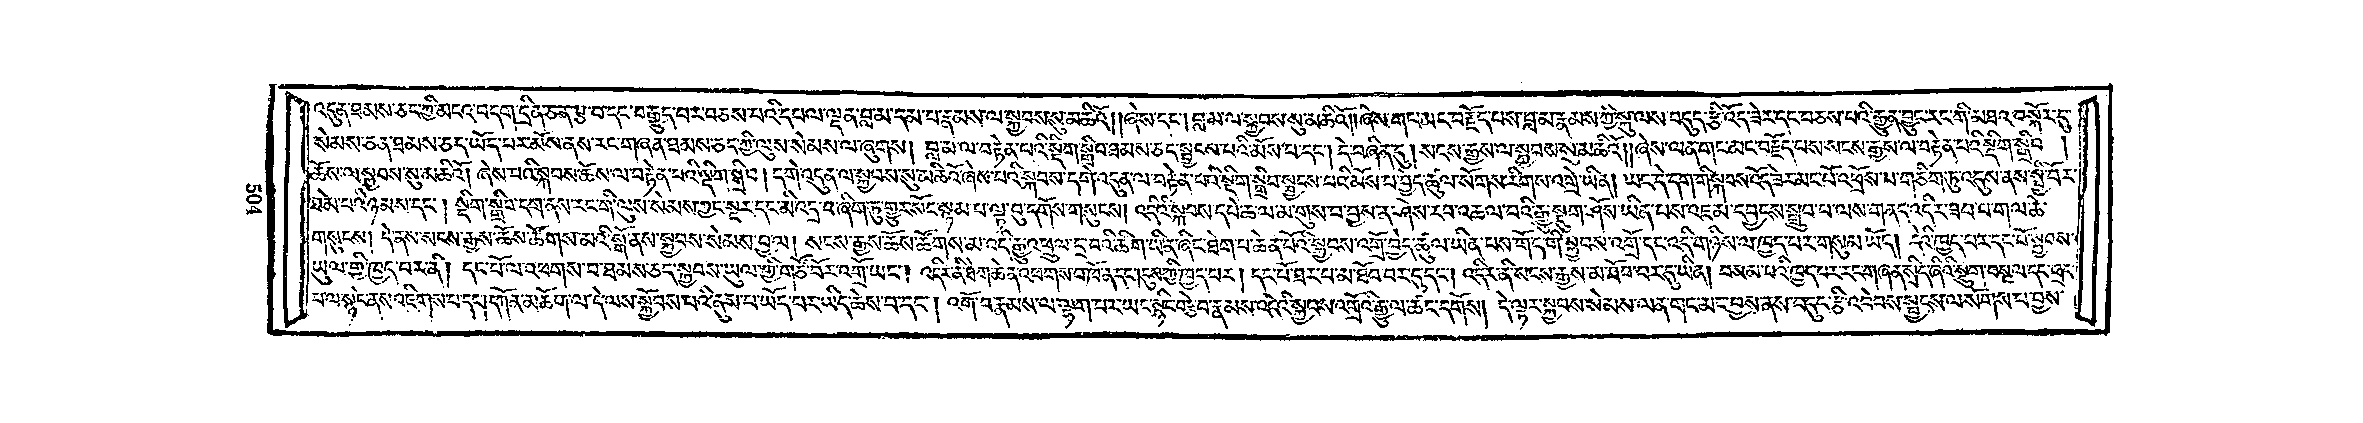འདུན་ཐམས་ཅད་ཀྱི་མངའ་བདག་དྲིན་ཅན་རྩ་བ་དང་བརྒྱུད་པར་བཅས་པའི་དཔལ་ལྡན་བླ་མ་དམ་པ་རྣམས་ལ་སྐྱབས་སུ་མཆིའོ། །ཞེས་དང་། བླ་མ་ལ་སྐྱབས་སུ་མཆིའོ། །ཞེས་གང་མང་བརྗོད་པས་བླ་མ་རྣམས་ཀྱི་སྐུ་ལས་བདུད་རྩི་འོད་ཟེར་དང་བཅས་པའི་རྒྱུན་བྱུང་རང་གི་མཐའ་བསྐོར་དུ་
སེམས་ཅན་ཐམས་ཅད་ཡོད་པར་མོས་ནས་རང་གཞན་ཐམས་ཅད་ཀྱི་ལུས་སེམས་ལ་ཞུགས། བླ་མ་ལ་བརྟེན་པའི་སྡིག་སྒྲིབ་ཐམས་ཅད་སྦྱངས་པའི་མོས་པ་དང་། དེ་བཞིན་དུ། སངས་རྒྱས་ལ་སྐྱབས་སུ་མཆིའོ། །ཞེས་ལན་གང་མང་བརྗོད་པས་སངས་རྒྱས་ལ་བརྟེན་པའི་སྡིག་སྒྲིབ།
ཆོས་ལ་སྐྱབས་སུ་མཆིའོ། ཞེས་པའི་སྐབས་ཆོས་ལ་བརྟེན་པའི་སྡིག་སྒྲིབ། དགེ་འདུན་ལ་སྐྱབས་སུ་མཆིའོ་ཞེས་པའི་སྐབས་དགེ་འདུན་ལ་བརྟེན་པའི་སྡིག་སྒྲིབ་སྦྱངས་པའི་མོས་པ་བྱེད་ཚུལ་སོགས་རིགས་འགྲེ་ཡིན། ཡང་དེ་དག་གི་སྐབས་འོད་ཟེར་མང་པོ་འཕྲོས་པ་གཅིག་ཏུ་འདུས་ནས་སྤྱི་བོར་
ཐེམ་པའི་ཉམས་དང་། སྡིག་སྒྲིབ་དག་ནས་རང་གི་ལུས་སེམས་ཀྱང་སྔར་དང་མི་འདྲ་བ་ཞིག་ཏུ་གྱུར་སོང་སྙམ་པ་ལྟ་བུ་དགོས་གསུངས། འདིའི་སྐབས་དཔེ་ཆ་ལ་མ་གུས་པ་བྱས་ན་ཤེས་རབ་འཆལ་བའི་རྒྱུ་སྡུག་ཤོས་ཡིན་པས་འཇམ་དབྱངས་སྒྲུབ་པ་ལས་གནད་འདིར་ཟབ་པ་གལ་ཆེ་
གསུངས། དེ་ནས་སངས་རྒྱས་ཆོས་ཚོགས་མའི་སྒོ་ནས་སྐྱབས་སེམས་བྱ་ལ། སངས་རྒྱས་ཆོས་ཚོགས་མ་འདི་རྒྱུ་འཕྲུལ་དྲ་བའི་ཚིག་ཡིན་ཞིང་ཐེག་པ་ཆེན་པོའི་སྐྱབས་འགྲོ་བྱེད་ཚུལ་ཡིན་པས་གོང་གི་སྐྱབས་འགྲོ་དང་འདི་གཉིས་ལ་ཁྱད་པར་གསུམ་ཡོད། དེའི་ཁྱད་པར་དང་པོ་སྐྱབས་
ཡུལ་གྱི་ཁྱད་པར་ནི། དང་པོ་ལ་འཕགས་པ་ཐམས་ཅད་སྐྱབས་ཡུལ་གྱི་གཙོ་བོར་འགྲོ་ཡང་། འདིར་ནི་ཐེག་ཆེན་འཕགས་པ་ཁོ་ན་དང་། དུས་ཀྱི་ཁྱད་པར། དང་པོ་ཐར་པ་མ་ཐོབ་བར་དུ་དང་། འདིར་ནི་སངས་རྒྱས་མ་ཐོབ་པར་དུ་ཡིན། བསམ་པའི་ཁྱད་པར་རང་གཞན་སྲིད་ཞིའི་སྡུག་བསྔལ་དང་ཕྲད་
པ་ལ་སྙིང་ནས་འཇིགས་པ་དང་། དཀོན་མཆོག་ལ་དེ་ལས་སྐྱོབས་པའི་ནུས་པ་ཡོད་པར་ཡིད་ཆེས་པ་དང་། འགོ་བ་རྣམས་ལ་ལྷག་པར་ཡང་སྙིང་བརྩེ་བ་རྣམས་འདེའི་སྐྱབས་འགྲོའི་རྒྱུ་ལ་ཚང་དགོས། དེ་ལྟར་སྐྱབས་སེམས་ལན་གང་མང་བྱས་ནས་བདུད་རྩི་འབེབས་སྦྱངས་ལ་སོགས་པ་བྱས་